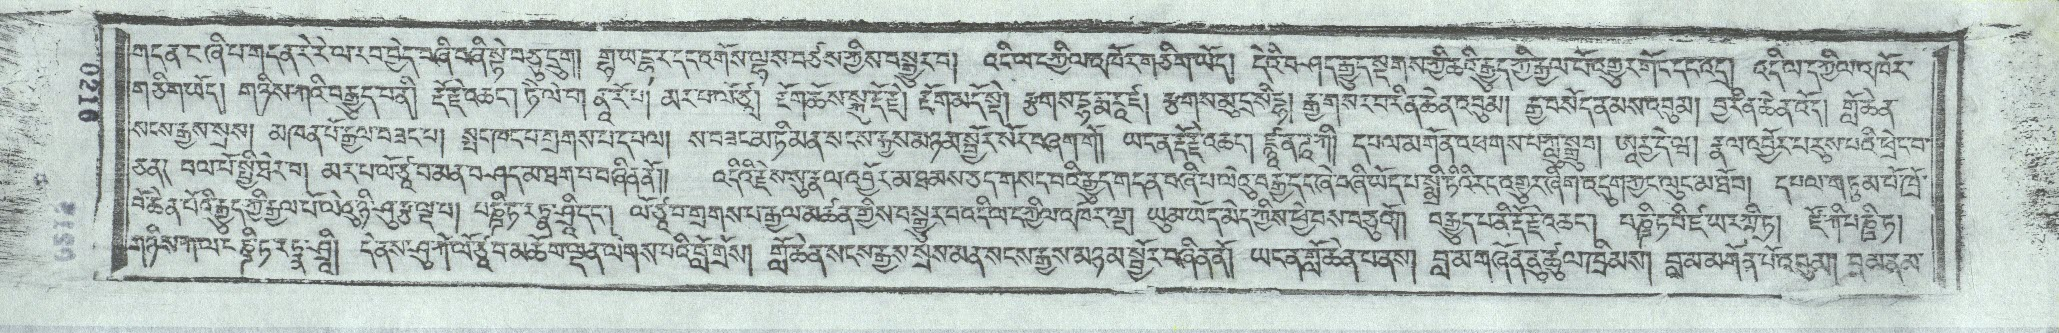གདན་བཞི་པ་གདན་རེ་རེ་ལ་རབ་བྱེད་བཞི་བཞི་སྟེ་བཅུ་དྲུག། གྷ་ཡ་དྷ་ར་དང་འགོས་ལྷས་བཙས་ཀྱིས་བསྒྱུར་བ། འདི་ལ་དཀྱིལ་འཁོར་གཅིག་ཡོད། དེའི་བཤད་རྒྱུད་སྔགས་ཀྱི་ཆའི་རྒྱུད་ཀྱི་རྒྱལ་པོ་འགྱུར་གོང་དང་འདྲ། འདི་ལ་དཀྱིལ་འཁོར་
གཅིག་ཡོད། གཉིས་ཀའི་བརྒྱུད་པ་ནི། རྡོ་རྗེ་འཆང་། ཏཻ་ལ་པ། ནཱ་རོ་པ། མར་པ་ལོ་ཙཱ། རྔོག་ཆོས་སྐུ་རྡོ་རྗེ། རྔོག་མདོ་སྡེ། རྩགས་དྷརྨ་རཱ་ཛ། རྩགས་མུ་དྲ་སིདྡྷ། རྒྱ་གསར་བ་རིན་ཆེན་འབུམ། རྒྱ་བསོད་ནམས་འབུམ། བྱ་རིན་ཆེན་འོད། གློ་ཆེན་
སངས་རྒྱས་སྲས། མཁན་པོ་རྒྱལ་བཟང་པ། སྤང་ཁང་བ་གྲགས་པ་དཔལ། ས་བཟང་མ་ཏི་མན་སངས་རྒྱས་མཉམ་སྦྱོར་སོར་བཞག་གོ། ཡང་ན་རྡོ་རྗེ་འཆང་། ཛྙཱ་ན་ཌཱ་ཀི། དཔལ་མགོན་འཕགས་པ་ཀླུ་སྒྲུབ། ཨཱརྱ་དེ་ཝ། རྣལ་འབྱོར་པ་རུས་པའི་ཕྲེང་བ་
ཅན༑ བལ་པོ་སྤྱི་ཐེར་བ། མར་པ་ལོ་ཙཱ་བ་མན་བཤད་མ་ཐག་པ་བཞིན་ནོ།། འདིའི་རྗེས་སུ་རྣལ་འབྱོར་མ་ཐམས་ཅད་གསང་བའི་རྒྱུད་གདན་བཞི་པ་ལེའུ་བརྒྱ་དང་ཞེ་བཞི་ཡོད་པ་སྨྲི་ཏིའི་རང་འགྱུར་ཞིག་འདུག་ཀྱང་ལུང་མ་ཐོབ། དཔལ་གཏུམ་པོ་ཁྲོ་
བོ་ཆེན་པོའི་རྒྱུད་ཀྱི་རྒྱལ་པོ་ལེའུ་ཉིད་དུ་རྩ་ལྔ་པ། པཎྜི་ཏ་རཏྣ་ཤྲཱི་དང་། ལོ་ཙཱ་བ་གྲགས་པ་རྒྱལ་མཚན་གྱིས་བསྒྱུར་བ་འདི་ལ་དཀྱིལ་འཁོར་ལྔ། ཡུམ་ཡོད་མེད་ཀྱིས་ཕྱེ་བས་བཅུའོ།། བརྒྱུད་པ་ནི་རྡོ་རྗེ་འཆང་། པཎྜི་ཏ་པི་ཛ་ཡར་ཀྲི་ཏ། ཛོ་ཀཾ་པཎྜི་ཏ།
གཉིས་ཀ་ལང་ཎྜི་ཏ་རཏྣ་ཤྲཱི། དེ་ནས་ཤུ་ཀེ་ལོ་ཙཱ་བ་མཆོག་ལྡན་ལེགས་པའི་བློ་གྲོས། གློ་ཆེན་སངས་རྒྱས་སྲས་མན་སངས་རྒྱས་མཉམ་སྦྱོར་བཞིན་ནོ། ཡང་ན་གློ་ཆེན་པ་ནས། བླ་མ་གཞོན་ནུ་ཚུལ་ཁྲིམས། བླ་མ་མགོན་པོ་འགུམ། དྲ་ཡན་